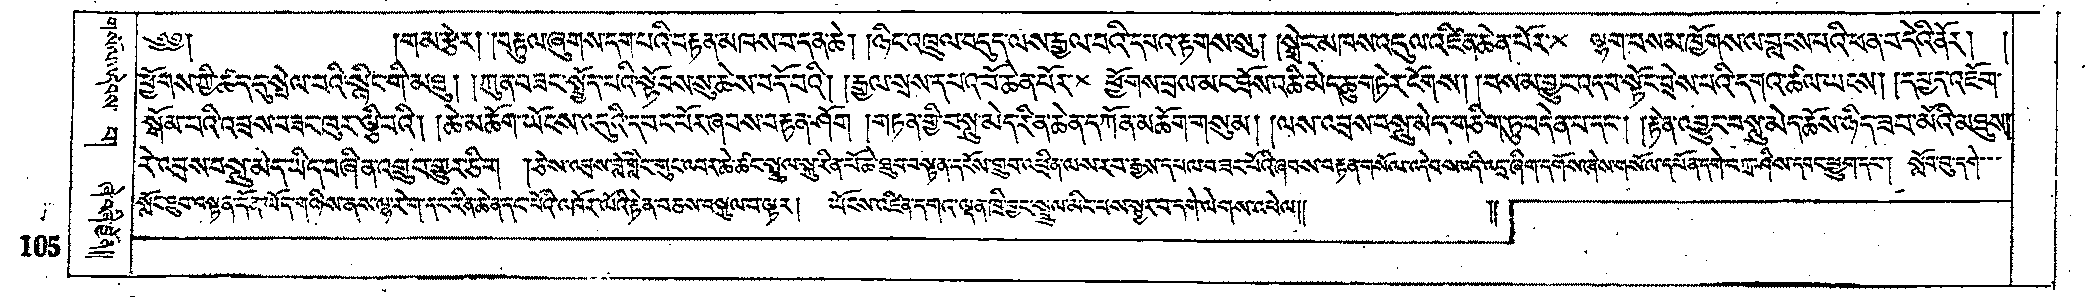༄༅། །གམ་རྩེར། །བརྟུལ་ཞུགས་དག་པའི་བརྟན་མཁས་བ་དན་ཆེ། །ཉིང་འཁྲུལ་བདུད་ལས་རྒྱལ་བའི་དཔའ་རྟགས་སུ། །སྒྲེང་མཁས་འདུལ་འཛིན་ཆེན་པོར་྾་ལྷག་བསམས་ཁྱོགས་ལ་བླངས་པའི་ཕན་བདེའི་ནོར། །
ཕྱོགས་ཀྱི་ཚད་དུ་སྦེལ་བའི་སྙིང་གི་མཐུ། །ཀུན་བཟང་སྤྱོད་པའི་སྟོབས་སུ་ཆེས་བདོ་བའི། །རྒྱལ་སྲས་དཔའ་བོ་ཆེན་པོར་྾་ཕྱོགས་བྲལ་མང་ཐོས་འཆི་མེད་ཆུ་གཏེར་ངོས། །བསམ་བྱུང་འདབ་སྟོང་བྲེས་པའི་དགའ་ཚལ་ཡངས། །དཔྱད་འཇོག་
སྒོམ་པའི་འབྲས་བཟང་ཁུར་ལྕི་བའི། །ཆེ་མཆོག་ཡོངས་འདུའི་དབང་པོར་ཞབས་བརྟན་ཤོག །གཏན་གྱི་བསླུ་མེད་རིན་ཆེན་དཀོན་མཆོག་གསུམ། །ལས་འབྲས་བསླུ་མེད་གཅིག་ཏུ་བདེན་པ་དང་། །རྟེན་འབྱུང་བསླུ་མེད་ཆོས་ཉིད་ཟབ་མོའི་མཐུས།།
རེ་འབྲས་བསླུ་མེད་ཡིད་བཞིན་འགྲུབ་གྱུར་ཅིག །ཅེས་འབྲས་བློ་གླིང་གུང་འབར་ཆེ་ཚང་སྐུ་རིན་ཆེ་ཐུབ་བསྟན་དངོས་གྲུབ་འཕྲིན་ལས་རབ་རྒྱས་དཔལ་བཟང་པོའི་ཞབས་བརྟན་གསོལ་འདེས་འདི་འདྲ་ཞེས་གསོལ་དཔོན་དགེ་བཀྲ་ཤིས་དབང་ཕྱུག་དང་། སློབ་བུ་དགེ་་་
སློང་ཐུབ་བསྟན་དོན་ཡོད་གཉིས་ནས་ལྷ་རེག་དང་རིན་ཆེན་དང་པོའི་འཁོར་ལོའི་རྟེན་བཅས་བསུལ་བ་ལྟར། ཡོངས་འཛིན་དགའ་ལྡན་ཁྲི་བྱང་སྤྲུལ་མིང་པས་སྦྱར་བ་དགེ་ལེགས་འཕེལ།། །།